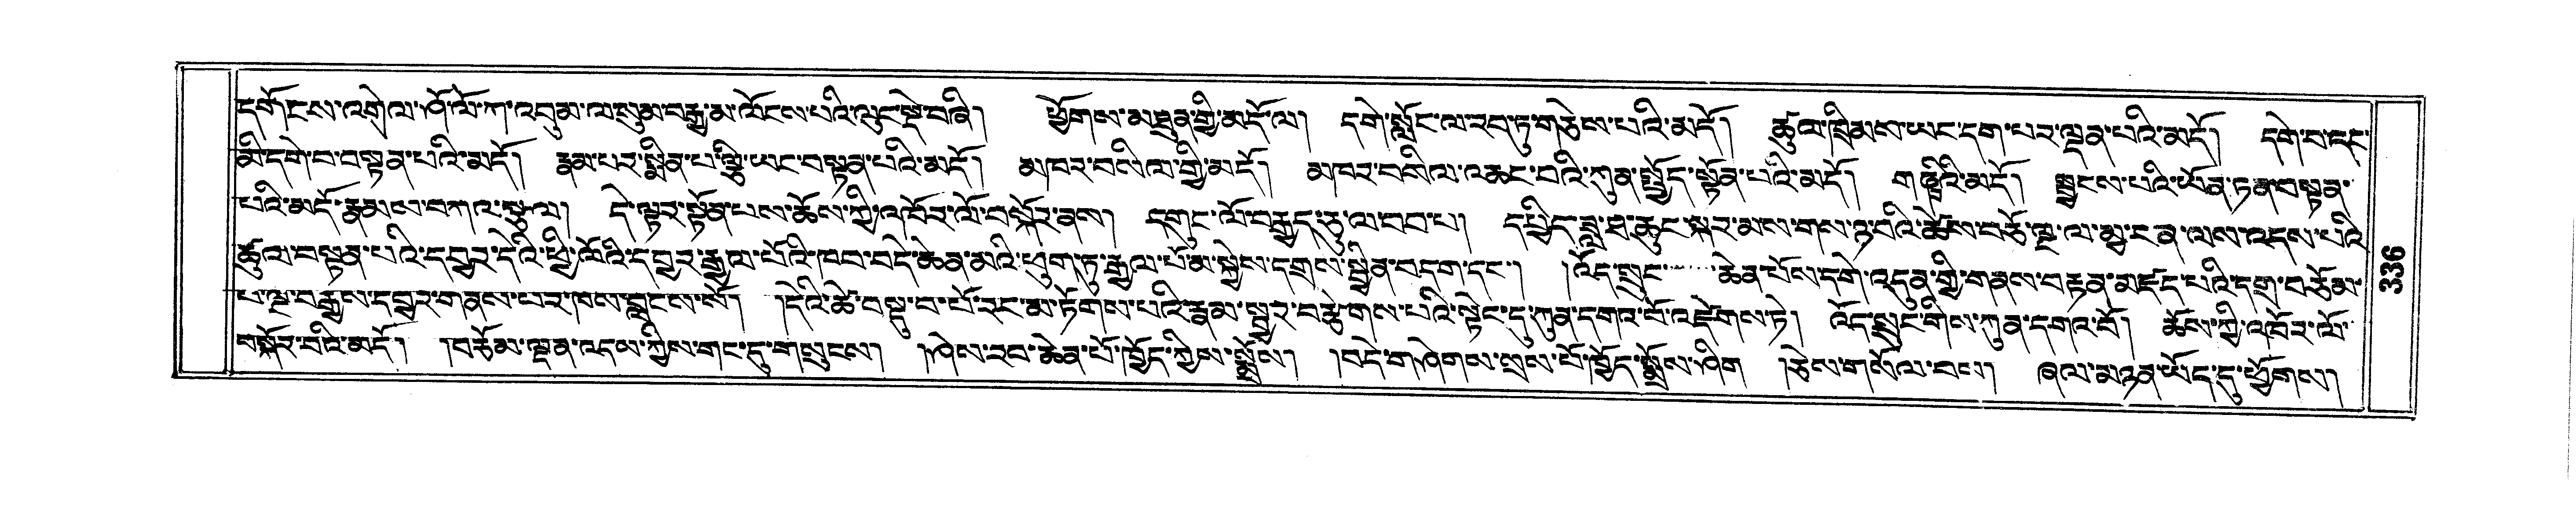དགོངས་འགྲེལ་ཤོ་ལོ་ཀ་འབུམ་ལ་སུམ་བརྒྱ་མ་ལོངས་པའི་ལུང་སྡེ་བཞི། ཕྱོགས་མཐུན་གྱི་མདོ་ལ། དགེ་སློང་ལ་རབ་ཏུ་གཅེས་པའི་མདོ། ཚུལ་ཁྲིམས་ཡང་དག་པར་ལྡན་པའི་མདོ། དགེ་བ་དང་
མི་དགེ་བ་བསྟན་པའི་མདོ། རྣམ་པར་སྨིན་པ་ལྕི་ཡང་བསྟན་པའི་མདོ། རྣམ་པར་སྨིན་པ་ལྕི་ཡང་བསྟན་པའི་མདོ། མཁར་བསིལ་གྱི་མདོ། མཁར་བསིལ་འཆང་བའི་ཀུན་སྤྱོད་སྟོན་པའི་མདོ། གཎྚིའི་མདོ། སྦྱངས་པའི་ཡོན་ཏན་བསྟན་
པའི་མདོ་རྣམས་བཀའ་སྩལ། དེ་ལྟར་སྟོན་པས་ཆོས་ཀྱི་འཁོར་ལོ་བསྐོར་ནས། དགུང་ལོ་བརྒྱད་ཅུ་ལ་བབ་པ། དཔྱིད་ཟླ་ཐ་ཆུང་སྐར་མས་གས་ཉ་བའི་ཚེས་བཅོ་ལྔ་ལ་མྱ་ངན་ལས་འདས་པའི་
ཚུལ་བསྟན་པའི་དབྱར་དེའི་ཕྱི་ལོའི་དབྱར་རྒྱལ་པོའི་ཁབ་བདེ་ཆེན་མའི་ཕུག་ཏུ་རྒྱལ་པོ་མ་སྐྱེས་དགྲས་སྦྱིན་བདག་དང་། །འོད་སྲུང་ཆེན་པོས་དགེ་འདུན་གྱི་གནས་བརྟན་མཛད་པའི་དགྲ་བཅོམ་
པ་ལྔ་བརྒྱས་དབྱར་གནས་པར་ཁས་བླངས་སོ། །དེའི་ཚེ་བསྡུ་བ་པོ་རང་མ་ཏོགས་པའི་རྣམ་སྦྱར་བརྩེགས་པའི་སྟེང་དུ་ཀུན་དགའ་བོ་འཛེགས་ཏེ། འོད་སྲུང་གིས་ཀུན་དགའ་བོ། ཆོས་ཀྱི་འཁོར་ལོ་
བསྐོར་བའི་མདོ། །བཅོམ་ལྡན་འདས་ཀྱིས་གང་དུ་གསུངས། །ཤེས་རབ་ཆེན་པོ་ཁྱོད་ཀྱིས་སྨྲོས། །བདེ་གཤེགས་སྲས་པོ་ཁྱོད་སྨྲོས་ཤིག །ཅེས་གསོལ་བས། ཞལ་མཉན་ཡོད་དུ་ཕྱོགས།